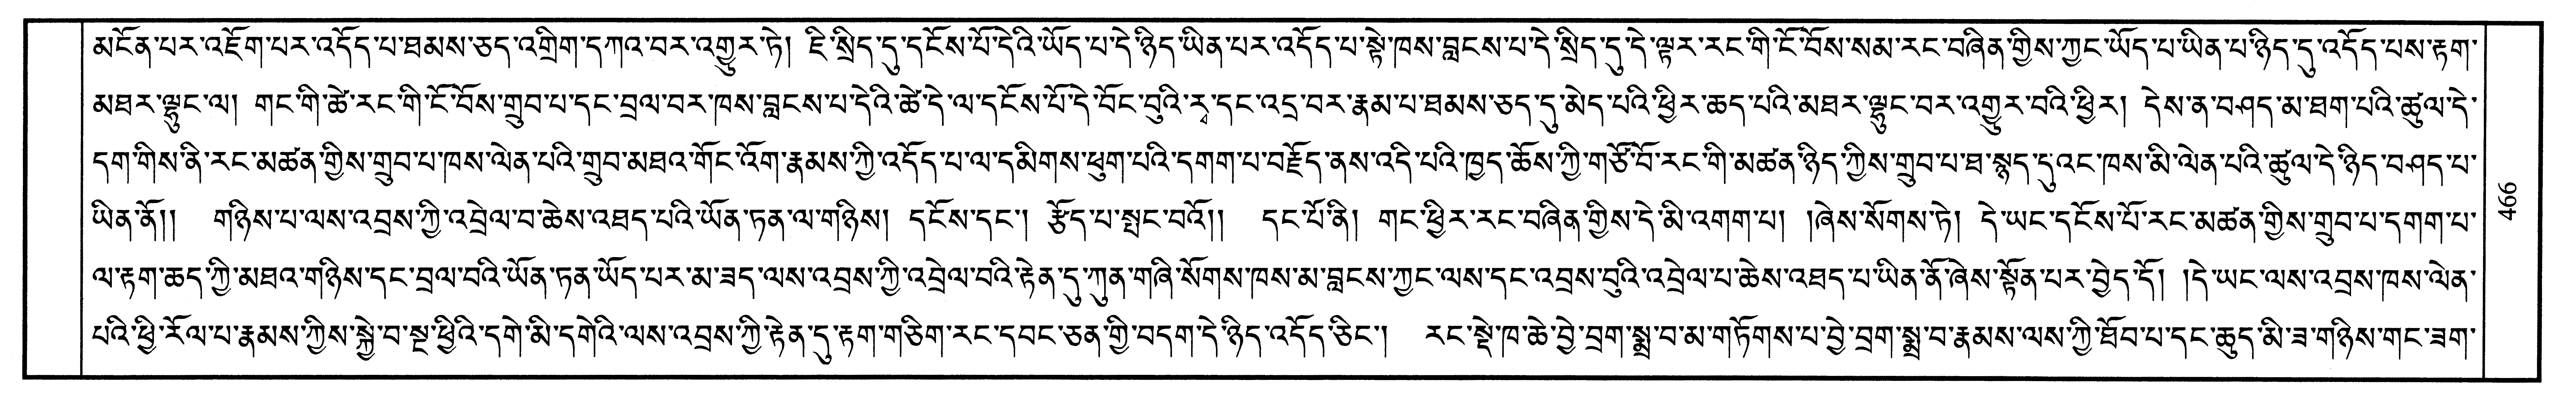མངོན་པར་འཇོག་པར་འདོད་པ་ཐམས་ཅད་འགྲིག་དཀའ་བར་འགྱུར་ཏེ། ཇི་སྲིད་དུ་དངོས་པོ་དེའི་ཡོད་པ་དེ་ཉིད་ཡིན་པར་འདོད་པ་སྟེ་ཁས་བླངས་པ་དེ་སྲིད་དུ་དེ་ལྟར་རང་གི་ངོ་བོས་སམ་རང་བཞིན་གྱི་ཀྱང་ཡོད་པ་ཡིན་པ་ཉིད་དུ་འདོད་པས་རྟག་
མཐར་ལྷུང་ལ། གང་གི་ཚེ་རང་གི་ངོ་བོས་གྲུབ་པ་དང་བྲལ་བར་ཁས་བླངས་པ་དེའི་ཚེ་དེ་ལ་དངོས་པོ་དེ་བོང་བུའི་རྭ་དང་འདྲ་བར་རྣམ་པ་ཐམས་ཅད་དུ་མེད་པའི་ཕྱིར་ཆད་པའི་མཐར་ལྷུང་བར་འགྱུར་བའི་ཕྱིར། དེས་ན་བཤད་མ་ཐག་པའི་ཚུལ་དེ་
དག་གིས་ནི་རང་མཚན་གྱིས་གྲུབ་པ་ཁས་ལེན་པའི་གྲུབ་མཐའ་གོང་འོག་རྣམས་ཀྱི་འདོད་པ་ལ་དམིགས་ཕུག་པའི་དགག་པ་བརྗོད་ནས་འདི་པའི་ཁྱད་ཆོས་ཀྱི་གཙོ་བོ་རང་གི་མཚན་ཉིད་ཀྱིས་གྲུབ་པ་ཐ་སྙད་དུའང་ཁས་མི་ལེན་པའི་ཚུལ་དེ་ཉིད་བཤད་པ་
ཡིན་ནོ།། གཉིས་པ་ལས་འབྲས་ཀྱི་འབྲེལ་བ་ཆེས་འཐད་པའི་ཡོན་ཏན་ལ་གཉིས། དངོས་དང་། རྩོད་པ་སྤང་བའོ།། དང་པོ་ནི། གང་ཕྱིར་རང་བཞིན་གྱིས་དེ་མི་འགག་པ། །ཞེས་སོགས་ཏེ། དེ་ཡང་དངོས་པོ་རང་མཚན་གྱིས་གྲུབ་པ་དགག་པ་
ལ་རྟག་ཆད་ཀྱི་མཐའ་གཉིས་དང་བྲལ་བའི་ཡོན་ཏན་ཡོད་པར་མ་ཟད་ལས་འབྲས་ཀྱི་འབྲེལ་བའི་རྟེན་དུ་ཀུན་གཞི་སོགས་ཁས་མ་བླངས་ཀྱང་ལས་དང་འབྲས་བུའི་འབྲེལ་པ་ཆེས་འཐད་པ་ཡིན་ནོ་ཞེས་སྟོན་པར་བྱེད་དོ། །དེ་ཡང་ལ་འབྲས་ཁས་ལེན་
པའི་ཕྱི་རོལ་པ་རྣམས་ཀྱིས་སྐྱེ་བ་སྔ་ཕྱིའི་དགེ་མི་དགེའི་ལས་འབྲས་ཀྱི་རྟེན་དུ་རྟག་གཅིག་རང་དབང་ཅན་གྱི་བདག་དེ་ཉིད་འདོད་ཅིང་། རང་སྡེ་ཆེ་བྱེ་བྲག་སྨྲ་བ་མ་གཏོགས་པ་བྱེ་བྲག་སྨྲ་བ་རྣམས་ལས་ཀྱི་ཐོབ་པ་དང་ཆུད་མི་ཟ་གཉིས་གང་ཟག་